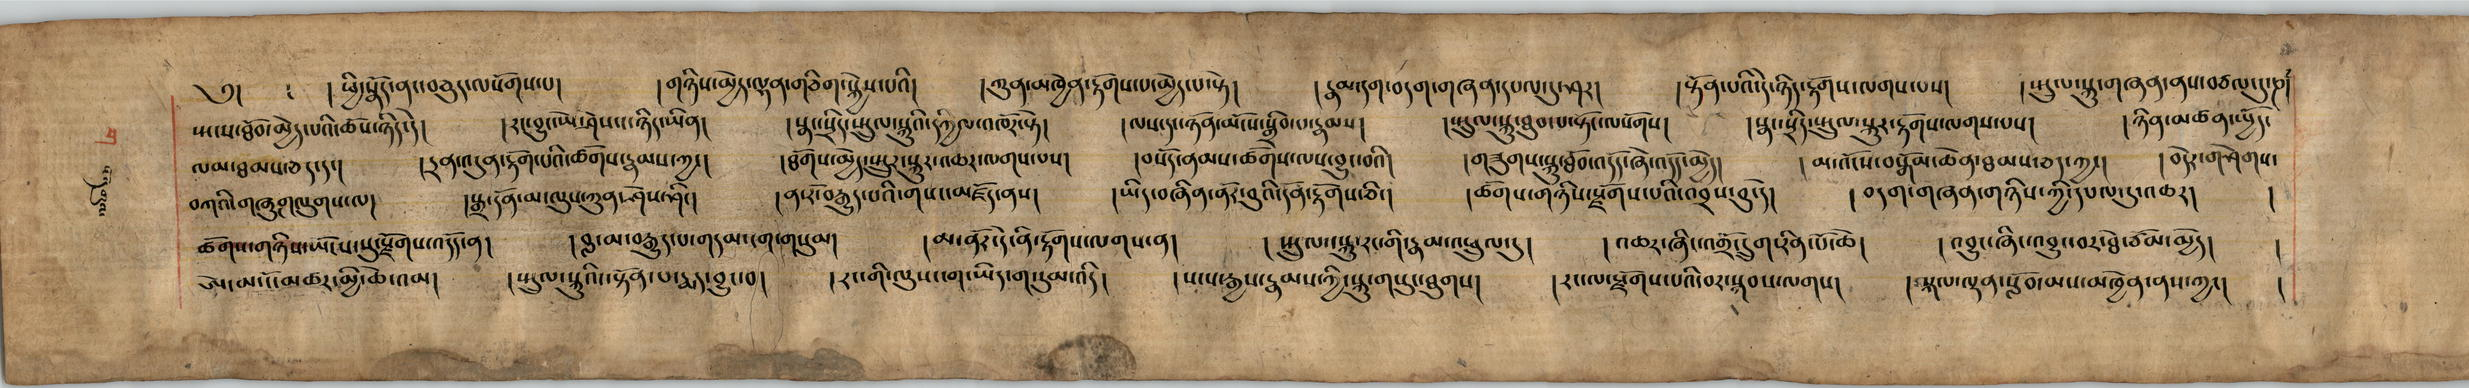༅། ༴ ། ཕྱི་སྣོད་ནང་བཅུད་ལསོགས་པ། །གཉིས་མྱེད་ལྷན་གཅིག་སྐྱེས་པའི། །ཀུན་མཁྱེན་རྟོགས་པ་མྱེད་པ་སྟེ། །རྣམ་དག་བདག་གཞན་དཔལ་དུ་ཤར། །སྟོན་པའོ་དེ་ཉིད་རྟོགས་ལགས་པས། །སྤྲུལ་སྐུ་གཞན་ནས་བཙལ་དུ་ཎ།
ཡངས་ཐོབ་མྱེད་པའི་ཆོས་ཉིད་དེ། །རང་བྱུང་ཡེ་ཤེས་ང་ཉིད་ཡིན། །སྣང་སྲིད་སྤྲུལ་སྐུའི་དཀྱིལ་འཁོར་སྟེ། །ལས་དང་ཉོན་མོངས་སྒྲིབ་པ་རྣམས། །སྤྲུལ་སྐུ་ཐུབ་པ་སྟོང་ལསོགས། །སྣང་སྲིད་སྤྲུལ་སྐུར་རྟོགས་ལགས་པས། །ཉིན་མཚན་སྤྱོད་
ལམ་ཐམས་ཅད་དང། །དྲན་འདུན་རྟོག་པའི་ཚོགས་རྣམས་ཀྱང། །ཐོགས་མྱེད་སྤྲུར་སྐུར་འཆར་ལགས་པས། །བསོད་ནམས་ཚོགས་ལས་བྱུང་བའི། །གཟུགས་སྐུ་ཐོབ་འདོད་ཞེ་འདོད་མྱེད། །མ་འོངས་བསྒོམ་ཆེན་ཐམས་ཅད་ཀྱང། །བདེར་གཤེགས་
བཀའི་གཞུང་ལུགས་ལ། །སྒྲ་དོན་མ་ལུས་ཀུན་ཤེས་ཤིང། །ན་རོ་བརྒྱུད་པའི་གསང་མཛོད་ནས། །ཡིད་བཞིན་ནོར་བུའི་དོན་རྟོགས་ཅིང། །ཚོགས་གཉིས་སྫོགས་པའི་འབྲས་བུ་དེ། །བདག་གཞན་གཉིས་ཀྱི་དཔལ་དུ་འཆར།
ཚོགས་གཉིས་ཡོངས་སུ་སྫོགས་འདོད་ན། །བླ་མ་བརྒྱུད་པ་གདམ་ངག་གསུམ། །མ་ནོར་དེ་ནི་རྟོགས་ལགས་ན། །སྤྲུལ་སྐུ་རང་གི་རྣམ་འཕྲུལ་དུ། །འཆར་ཞིང་འགྲོ་དྲུག་རིན་པོ་ཆེ། །འབྱུང་ཞིང་འབྱུང་བར་ཐེ་ཙོམ་མྱེད།
ཨེ་མ་ངོ་མཚར་མྱི་ཆེ་འམ། །སྤྲུལ་སྐུའི་སྟོན་པ་རྨད་བྱུང་བ། །རང་གི་ལུས་ངག་ཡིད་གསུམ་འདི། །སངས་རྒྱས་རྣམས་ཀྱི་སྐུ་གསུང་ཐུགས། །རང་ལ་སྫོགས་པའི་བར་སྐབས་ལགས། །སྐལ་ལྡན་སློབ་མས་མཁྱེན་ནས་ཀྱང།